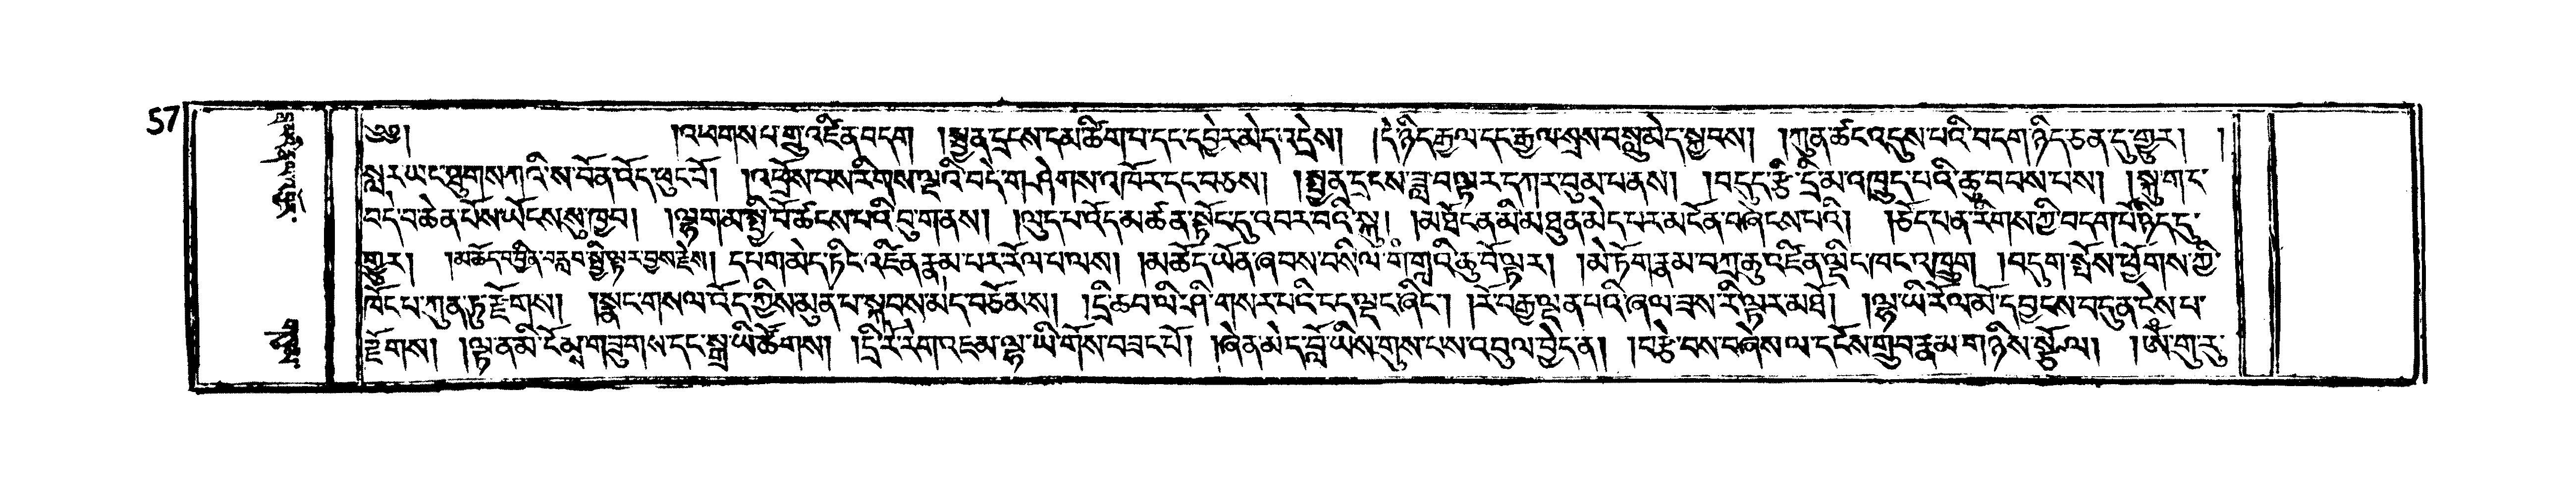༄༅། །འཕགས་པ་གྲུ་འཛིན་བདག །སྤྱན་དྲངས་དམ་ཚིག་པ་དང་དབྱེར་མེད་འདྲེས། །དེ་ཉིད་རྒྱལ་དང་རྒྱལ་སྲས་བསླུ་མེད་སྐྱབས། །ཀུན་ཚང་འདུས་པའི་བདག་ཉིད་ཅན་དུ་གྱུར། །
སླར་ཡང་ཐུགས་ཀའི་ས་བོན་འོད་ཕུང་པོ། །འཕྲོས་པས་རིགས་ལྔའི་བདེ་གཤེགས་འཁོར་དང་བཅས། །སྤྱན་དྲངས་ཟླ་བ་ལྟར་དཀར་བུམ་པ་ནས། །བདུད་རྩི་དྲི་མ་འཁྲུད་པའི་ཆུ་བབས་པས། །སྐུ་གང་
བདེ་བ་ཆེན་པོས་ཡོངས་སུ་ཁྱབ། །ལྷག་མ་སྤྱི་བོ་ཚངས་པའི་བུ་གནས། །ལུད་པ་འོད་མཚན་སྟོང་དུ་འབར་བའི་སྐུ། །མཐོང་ན་མི་མཐུན་མེད་པར་མངོན་བཞེངས་པའི། །ཅོད་པན་རིགས་ཀྱི་བདག་པོ་ཉིད་དུ་
གྱུར། །མཆོད་བ་བྱིན་བརླབ་སྤྱི་ལྟར་བྱས་རྗེས། །དཔག་མེད་ཏིང་འཛིན་རྣམ་པར་རོལ་པ་ལས། །མཆོད་ཡོན་ཞབས་བསིལ་གཾ་གླའི་ཆུ་བོ་ལྟར། །མེ་ཏོག་རྣམ་བཀྲ་ཆུ་འཛིན་ལྡིང་ཁང་འཁྲུག །བདུག་སྤོས་ཕྱོགས་ཀྱི་
ཁོང་པ་ཀུན་ཏུ་རྫོགས། །སྣང་གསལ་འོད་ཀྱིས་མུན་པ་སྐབས་མེད་བཅོམས། །དྲི་ཆབ་ལི་ཤི་གསར་པའི་ངད་ལྡང་ཞིང་། །རོ་བརྒྱ་ལྡན་པའི་ཞལ་ཟས་རི་ལྟར་མཐོ། །ལྷ་ཡི་རོལ་མོ་དབྱངས་བདུན་ངེས་པ་
རྫོགས། །ལྟ་ན་མི་ངོམས་གཟུགས་དང་སྒྲ་ཡི་ཚོགས། །དྲི་རོ་རེག་འཇམ་ལྷ་ཡི་གོས་བཟང་པོ། །ཞེན་མེད་བློ་ཡིས་གུས་པས་འབུལ་བྱེད་ན། །བརྩེ་བས་བཞེས་ལ་དངོས་གྲུབ་རྣམ་གཉིས་སྩོལ། །ཨོཾ་གུ་རུ་